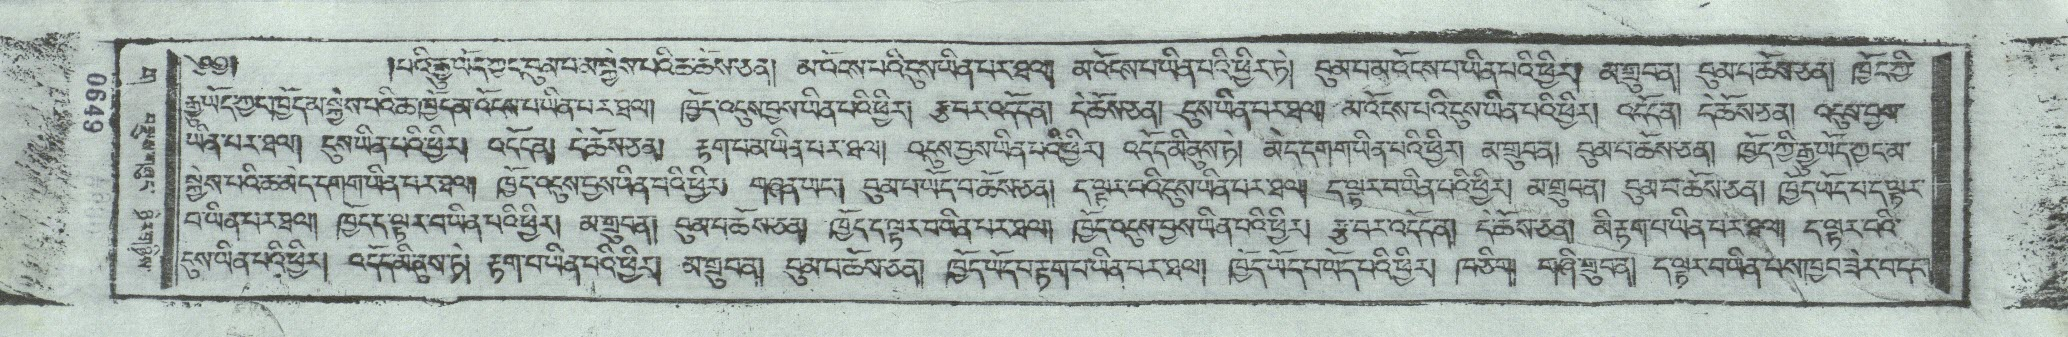༄༅། །བའི་རྒྱུ་ཡོད་ཀྱང་བུམ་པ་མ་སྐྱེས་པའི་ཆ་ཆོས་ཅན། མ་འོངས་པའི་དུས་ཡིན་པར་ཐལ། མ་འོངས་པ་ཡིན་པའི་ཕྱིར་ཏེ། བུམ་པ་མ་འོངས་པ་ཡིན་པའི་ཕྱིར། མ་གྲུབ་ན། བུམ་པ་ཆོས་ཅན། ཁྱོད་ཀྱི་
རྒྱུ་ཡོད་ཀྱང་ཁྱོད་མ་སྐྱེས་པའི་ཆ་ཁྱོད་མ་འོངས་པ་ཡིན་པར་ཐལ། ཁྱོད་འདུས་བྱས་ཡིན་པའི་ཕྱིར། རྩ་བར་འདོད་ན། དེ་ཆོས་ཅན། དུས་ཡིན་པར་ཐལ། མ་འོངས་པའི་དུས་ཡིན་པའི་ཕྱིར། འདོད་ན། དེ་ཆོས་ཅན། འདུས་བྱས་
ཡིན་པར་ཐལ། དུས་ཡིན་པའི་ཕྱིར། འདོད་ན། ད་ཆོས་ཅན། རྟག་པ་མ་ཡིན་པར་ཐལ། འདུས་བྱས་ཡིན་པའི་ཕྱིར། འདོད་མི་ནུས་ཏེ། མེད་དགག་ཡིན་པའི་ཕྱིར། མ་གྲུབ་ན། བུམ་པ་ཆོས་ཅན། ཁྱོད་ཀྱི་རྒྱུ་ཡོད་ཀྱང་མ་
སྐྱེས་པའི་ཆ་མེད་དགག་ཡིན་པར་ཐལ། ཁྱོད་འདུས་བྱས་ཡིན་པའི་ཕྱིར། གཞན་ཡང་། བུམ་པ་ཡོད་པ་ཆོས་ཅན། ད་ལྟར་བའི་དུས་ཡིན་པར་ཐལ། ད་ལྟར་བ་ཡིན་པའི་ཕྱིར། མ་གྲུབ་ན། བུམ་པ་ཆོས་ཅན། ཁྱོད་ཡོད་པ་ད་ལྟར་
བ་ཡིན་པར་ཐལ། ཁྱོད་ད་ལྟར་བ་ཡིན་པའི་ཕྱིར། མ་གྲུབ་ན། བུམ་པ་ཆོས་ཅན། ཁྱོད་ད་ལྟར་བ་ཡིན་པར་ཐལ། ཁྱོད་འདུས་བྱས་ཡིན་པའི་ཕྱིར། རྩ་བར་འདོད་ན། དེ་ཆོས་ཅན། མི་རྟག་པ་ཡིན་པར་ཐལ། ད་ལྟར་བའི་
དུས་ཡིན་པའི་ཕྱིར། འདོད་མི་ནུས་ཏེ། རྟག་པ་ཡིན་པའི་ཕྱིར། མ་གྲུབ་ན། བུམ་པ་ཆོས་ཅན། ཁྱོད་ཡོད་པ་རྟག་པ་ཡིན་པར་ཐལ། ཁྱོད་ཡོད་པ་ཡོད་པའི་ཕྱིར། ཁ་ཅིག། གཞི་གྲུབ་ན། ད་ལྟར་བ་ཡིན་པས་ཁྱབ་ཟེར་བ་དང་།